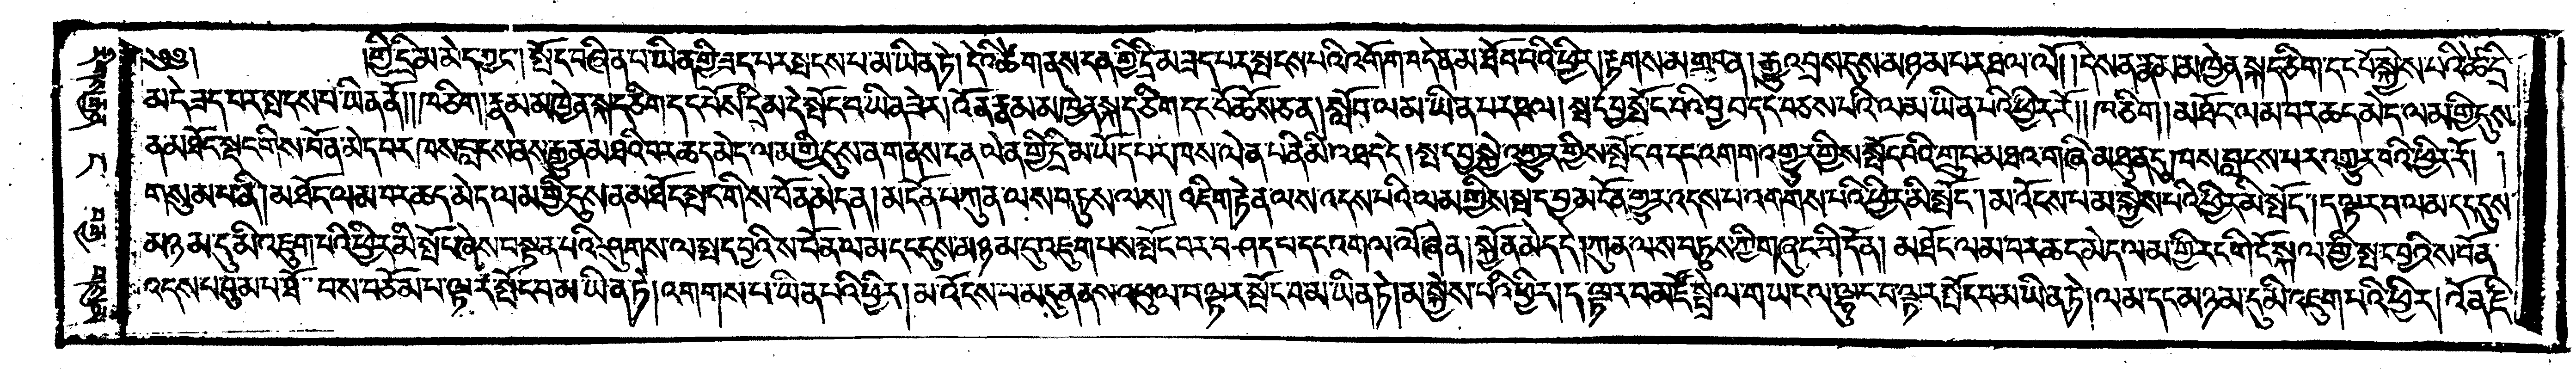༄༅། །གྱི་དྲི་མ་མེད་ཀྱང་། སྤོང་བཞིན་པ་ཡིན་གྱི་ཟད་པར་སྤངས་པ་མ་ཡིན་ཏེ། དེའི་ཚེ་གནས་ངན་གྱི་དྲི་མ་ཟད་པར་སྤངས་པའི་འགོག་བདེན་མ་ཐོབ་པའི་ཕྱིར། རྟགས་མ་གྲུབ་ན། རྒྱུ་འབྲས་དུས་མཉམ་པར་ཐལ་ལོ། །དེས་ན་རྣམ་མཁྱེན་སྐད་ཅིག་དང་པོ་སྐྱེས་པའི་ཚེ་དྲི་
མ་དེ་ཟད་པར་སྤངས་པ་ཡིན་ནོ། །ཁ་ཅིག །རྣམ་མཁྱེན་སྐད་ཅིག་དང་པོས་དྲི་མ་དེ་སྤོང་བ་ཡིན་ཟེར། འོ་ན་རྣམ་མཁྱེན་སྐད་ཅིག་དང་པོ་ཆོས་ཅན། སློབ་ལམ་ཡིན་པར་ཐལ། སྤང་བྱ་སྤོང་བའི་བྱ་བ་དང་བཅས་པའི་ལམ་ཡིན་པའི་ཕྱིར་རོ། །ཁ་ཅིག །མཐོང་ལམ་བར་ཆད་མེད་ལམ་གྱི་དུས་
ན་མཐོང་སྤང་གི་ས་བོན་མེད་པར་ཁས་བླངས་ནས་རྒྱུན་མཐའི་བར་ཆད་མེད་ལམ་གྱི་དུས་ན་གནས་ངན་ལེན་གྱི་དྲི་མ་ཡོད་པར་ཁས་ལེན་པ་ནི་མི་འཐད་དེ། སྤང་བྱ་སྐྱེ་འགྱུར་གྱིས་སྤོང་བ་དང་འགག་འགྱུར་གྱིས་སྤོང་བའི་གྲུབ་མཐའ་གཞི་མཐུན་དུ་ཁས་བླངས་པར་འགྱུར་བའི་ཕྱིར་རོ། །
གསུམ་པ་ནི། མཐོང་ལམ་བར་ཆད་མེད་ལམ་གྱི་དུས་ན་མཐོང་སྤང་གི་ས་བོན་མེད་ན། མངོན་པ་ཀུན་ལས་བཏུས་ལས། འཇིག་རྟེན་ལས་འདས་པའི་ལམ་གྱིས་སྤང་བྱ་མངོན་གྱུར་འདས་པ་འགགས་པའི་ཕྱིར་མི་སྤོང་། མ་འོངས་པ་མ་སྐྱེས་པའི་ཕྱིར་མི་སྤོང་། ད་ལྟར་བ་ལམ་དང་དུས་
མཉམ་དུ་མི་འཇུག་པའི་ཕྱིར་མི་སྤོང་ཞེས་བསྟན་པའི་ཤུགས་ལ་སྤང་བྱའི་ས་བོན་ལམ་དང་དུས་མཉམ་དུ་འཇུག་པས་སྤོང་བར་བཤད་པ་དང་འགལ་ལོ་ཞེ་ན། སྐྱོན་མེད་དེ། ཀུན་ལས་བཏུས་ཀྱི་གཞུང་གི་དོན། མཐོང་ལམ་བར་ཆད་མེད་ལམ་གྱི་རང་གི་ངོ་སྐལ་གྱི་སྤང་བྱའི་ས་བོན་
འདས་པ་བུམ་པ་ཐོབ་པས་བཅོམ་པ་ལྟར་སྤོང་བ་མ་ཡིན་ཏེ། འགགས་པ་ཡིན་པའི་ཕྱིར། མ་འོངས་པ་མདུན་ནས་འཕུལ་བ་ལྟར་སྤོང་བ་མ་ཡིན་ཏེ། མ་སྐྱེས་པའི་ཕྱིར། ད་ལྟར་བ་མཛོ་སྦྲེལ་གཡང་ལ་ལྷུང་བ་ལྟར་སྤོང་བ་མ་ཡིན་ཏེ། ལམ་དང་མཉམ་དུ་མི་འཇུག་པའི་ཕྱིར། འོ་ན་ཇི་